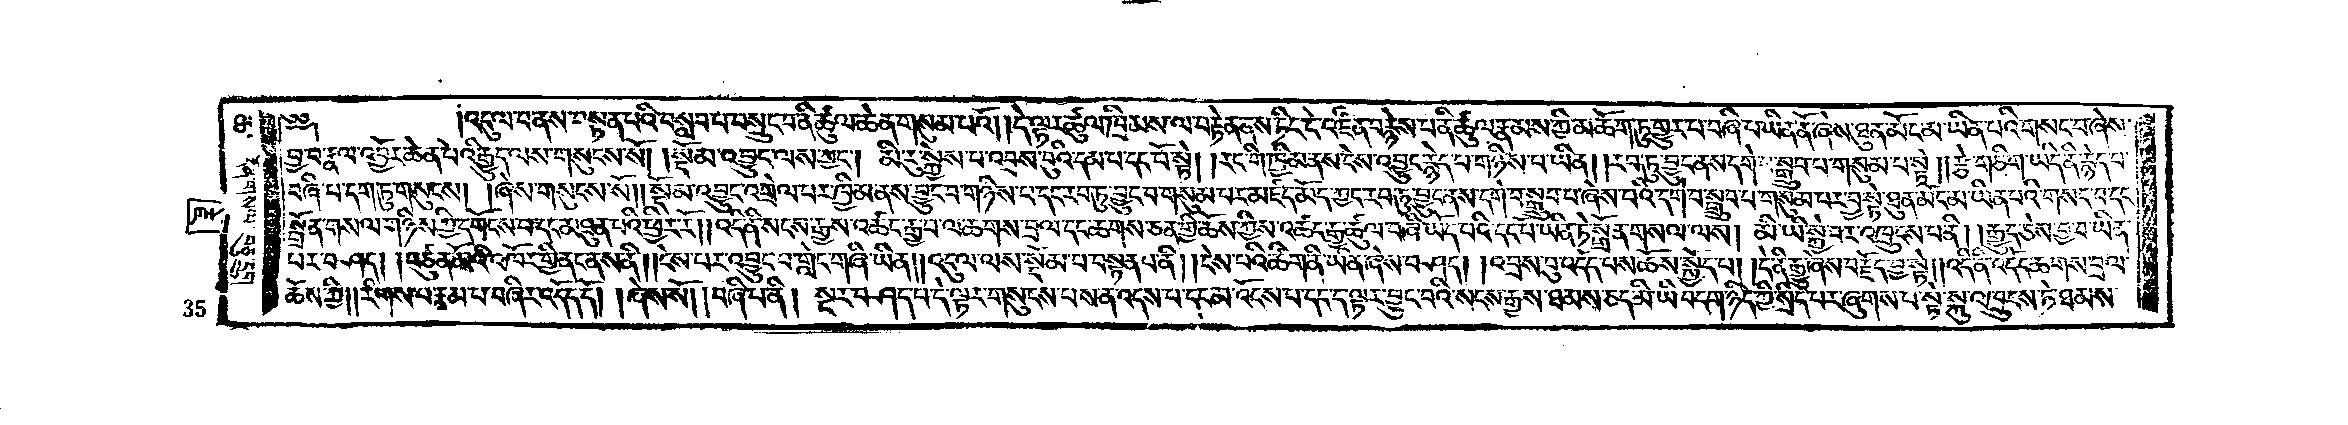༄༅། །འདུལ་བ་ནས་བསྟན་པའི་བསླབ་པ་བསྲུང་བ་ནི་ཚུལ་ཆེན་གསུམ་པའོ། །དེ་ལྟར་ཚུལ་ཁྲིམས་ལ་བརྟེན་ནས་ཏིང་ངེ་འཛིན་བརྙེས་པ་ནི་ཚུལ་རྣམས་ཀྱི་མཆོག་ཏུ་གྱུར་པ་བཞི་པ་ཡིན་ནོ་ཞེས་ཐུན་མོང་མ་ཡིན་པའི་གསང་བ་ཞེས་
བྱ་བ་རྣལ་འབྱོར་ཆེན་པོའི་རྒྱུད་ལས་གསུངས་སོ། །སྡོམ་འབྱུང་ལས་ཀྱང་། མི་རུ་སྐྱེས་པ་འབྲས་བུའི་དམ་པ་དང་པོ་སྟེ། །རང་གི་ཁྱིམ་ནས་ངེས་འབྱུང་རྙེད་པ་གཉིས་པ་ཡིན། །རབ་ཏུ་བྱུང་ནས་དགེ་བ་སྒྲུབ་པ་གསུམ་པ་སྟེ། །རྩེ་གཅིག་ཡིད་ནི་རྙེད་པ་
བཞི་པ་དག་ཏུ་གསུངས། །ཞེས་གསུངས་སོ། །སྡོམ་འབྱུང་འགྲེལ་པར་ཁྱིམ་ནས་བྱུང་བ་གཉིས་པ་དང་རབ་ཏུ་བྱུང་བ་གསུམ་པར་མཛད་མོད་ཀྱང་རབ་ཏུ་བྱུང་ནས་དགེ་བ་སྒྲུབ་པ་ཞེས་པའི་དགེ་བ་སྒྲུབ་པ་གསུམ་བར་བྱ་སྟེ་ཐུན་མོང་མ་ཡིན་པའི་གསང་བ་དང་
སྒྲོན་གསལ་གཉིས་ཀྱི་དགོངས་པ་དང་མཐུན་པའི་ཕྱིར་རོ། །འདི་ནི་སངས་རྒྱས་འཚང་རྒྱ་བ་ལ་ཆགས་བྲལ་དང་ཆགས་ཅན་གྱི་ཆོས་ཀྱིས་འཚང་རྒྱ་ཚུལ་བཞི་ཡོད་པའི་དང་པོ་ཡིན་ཏེ་སྒྲོན་གསལ་ལས། མི་ཡི་སྐྱེ་བར་འཁྲུངས་པ་ནི། །རྒྱུད་ཅེས་བྱ་བ་ཡིན་
པར་བཤད། །བཙུན་མོའི་འཁོར་གྱི་ནང་ནས་ནི། །ངེས་པར་འབྱུང་བ་གླེང་གཞི་ཡིན། །འདུལ་ལས་སྡོམ་པ་བསྟན་པ་ནི། །ངེས་པའི་ཚིག་ནི་ཡིན་ཞེས་བཤད། །འབྲས་བུ་འདོད་པས་ཆོས་སྤྱོད་པ། །དེ་ནི་རྒྱུ་ཞེས་བརྗོད་བྱ་སྟེ། །འདི་ནི་འདོད་ཆགས་བྲལ་
ཆོས་ཀྱི། །རིགས་པ་རྣམ་པ་བཞིར་འདོད་དོ། །ཞེས་སོ། །བཞི་པ་ནི། སྔར་བཤད་པ་དེ་ལྟར་གསུངས་པས་ན་འདས་པ་དང་མ་འོངས་པ་དང་ད་ལྟར་བྱུང་བའི་སངས་རྒྱས་ཐམས་ཅད་མི་ཡི་བདག་ཉིད་ཀྱི་སྲིད་པར་ཞུགས་པ་སྟེ་སྐུ་འཁྲུངས་ཏེ་ཐམས་